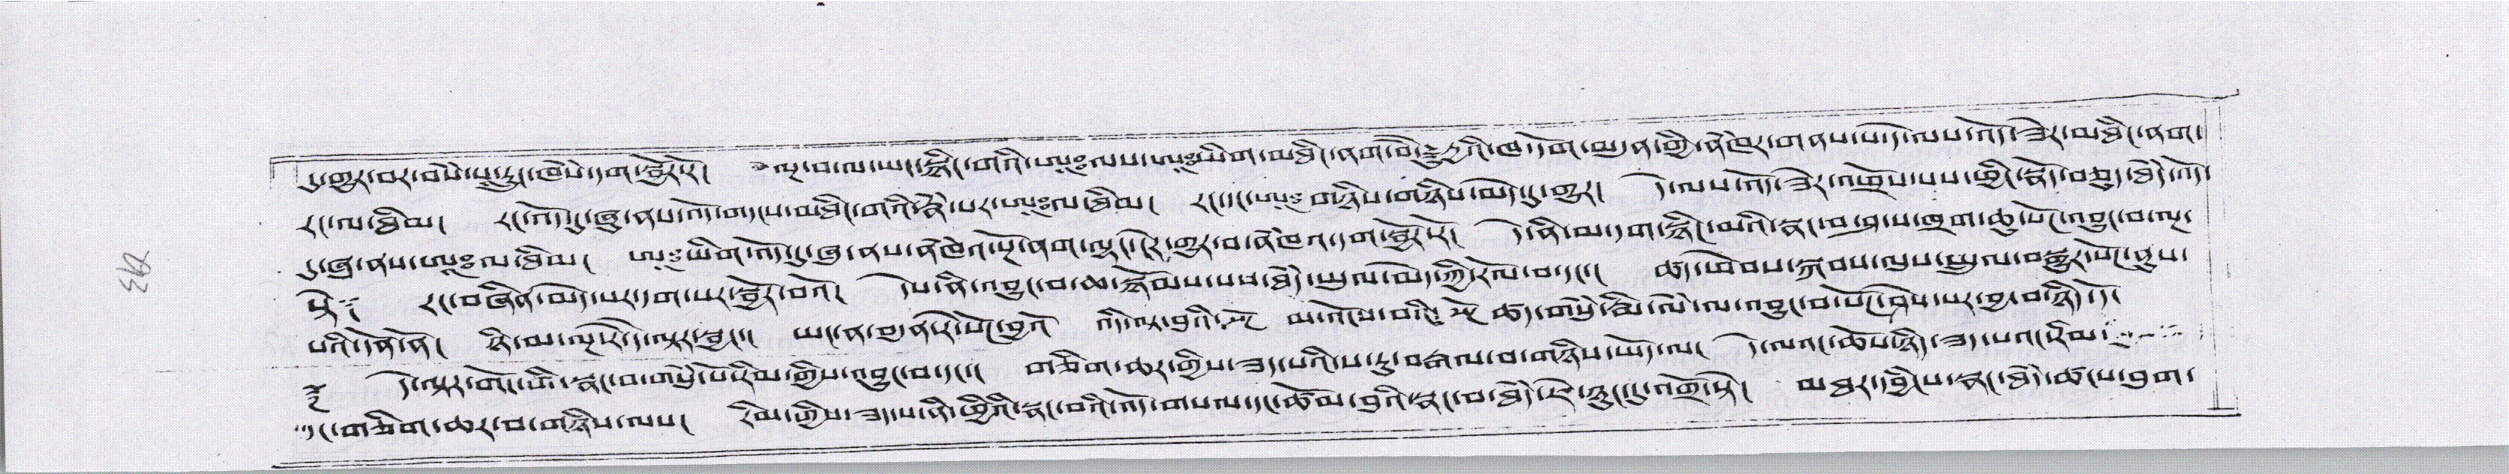དུ་གྱུར་བར་བསམ་པ་རླུང་ཁམས་དག་སྦྱོར་རོ། ལྔ་པ་ལ་ཡང་སྙིང་གའི་ཨཱཿལས་ཨཱཿཡིག་མཐིང་ནག་བཻཌུརྱའི་ཁ་དོག་མདུན་གྱི་ནམ་མཁར་གནས་པ་དེ་ལས་འོད་ཟེར་མཐིང་ནག་
རང་ལ་ཐིམ། རང་འོད་དུ་ཞུ་ནས་འོད་གདངས་མཐིང་གའི་རྣམ་པར་ཨཱཿལ་ཐིམ། རང་དང་ཨཱཿགཉིས་གཉིས་མེད་དུ་གྱུར། དེ་ལས་འོད་ཟེར་འཕྲོས་པས་ཕྱི་ནང་སྣོད་བཅུད་ཐམས་ཅད་འོད་
དུ་ཞུ་ནས་ཨཱཿལ་ཐིམ། ཨཱཿཡིག་འོད་དུ་ཞུ་ནས་ནམ་མཁའ་སྔོ་ནག་ལྷང་ངེར་གྱུར་བ་ནམ་མཁའ་དག་སྦྱོར་རོ། དེ་ནི་མ་དག་སྙིགས་མའི་སྣང་བ་ཤ་ས་ཁྲག་ཆུ་སོགས་འབྱུང་བ་ལྔ་
སྟེ། རང་བཞིན་མེད་པར་དག་པར་སྦྱོར་བའོ། དེས་ནི་འབྱུང་བ་ཆ་སྙོམས་པས་ཐམས་ཅད་ཡུལ་མེད་ཀྱི་རོལ་བ་དང། ཚད་ཕེབས་སྐབས་ལུས་སྤྲུལ་བསྒྱུར་སོགས་ནུས་
པའི་དོན་ནོ། ཉི་མ་ལྔ་རེ་དེ་ལྟར་སྦྱང། ཡང་ན་བདུན་རེ་སོགས་བྱའོ། འདི་ལྟ་བུའི་སོགས་མ་འོངས་བའི་སོགས་ཚད་གསུམ་རྨི་ལམ་ལ་འབྱུང་བ་སོགས་ཤེས་པར་བྱ་བ་ཉིད་དོ། 
༑ དེ་ལྟར་གོང་གི་སྣང་བ་གསུམ་པོ་རིམ་གྱིས་འབྱུང་བ་དང། གཅིག་ཆར་གྱིས་ཟད་པའི་ས་རུ་བརྒལ་བ་གཉིས་ཡོད་ལ། དེ་ལའང་ཆོས་ཉིད་ཟད་པའང་རིམ་གྱིས་
དང་གཅིག་ཆར་བ་གཉིས་ལས། རིམ་གྱིས་ཟད་པ་ནི་ཕྱིའི་སྣང་བའི་འོད་གསལ་དང་ཚོམ་བུའི་སྣང་བ་ཐམས་ཅད་ཇེ་ཉུང་དུ་འགྲོ་སྟེ། མཐར་དབྱིངས་སྣང་ཐམས་ཅད་ཚངས་བུག་